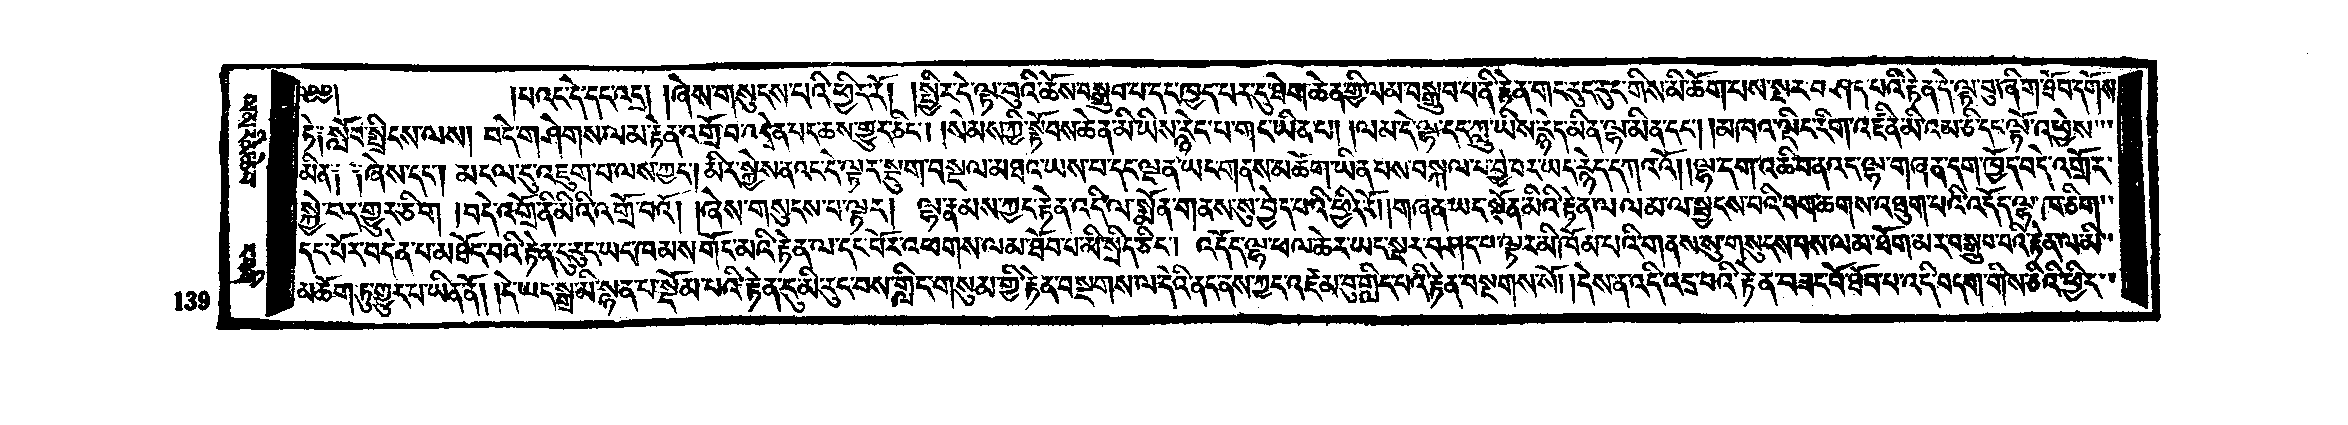༄༅། །པའང་དེ་དང་འདྲ། །ཞེས་གསུངས་པའི་ཕྱིར་རོ། །སྤྱིར་དེ་ལྟ་བུའི་ཆོས་བསྒྲུབ་པ་དང་ཁྱད་པར་དུ་ཐེག་ཆེན་གྱི་ལམ་བསྒྲུབ་པ་ནི་རྟེན་གང་རུང་རུང་གིས་མི་ཆོག་པས་སྔར་བཤད་པའི་རྟེན་དེ་ལྟ་བུ་ཞིག་ཐོབ་དགོས་
ཏེ༑ སློབ་སྤྲིངས་ལས། བདེ་གཤེགས་ལམ་རྟེན་འགྲོ་བ་འདྲེན་པར་ཆས་གྱུར་ཅིང་། །སེམས་ཀྱི་སྟོབས་ཆེན་མི་ཡིས་རྙེད་པ་གང་ཡིན་པ། །ལམ་དེ་ལྷ་དང་ཀླུ་ཡིས་རྙེད་མིན་ལྷ་མིན་དང་། །མཁའ་ལྡིང་རིག་འཛིན་མི་འམ་ཅི་དང་ལྟོ་འཕྱེས་
མིན༑ ༑ཞེས་དང་། མངལ་དུ་འཇུག་པ་ལས་ཀྱང་། མིར་སྐྱེས་ནའང་དེ་ལྟར་སྡུག་བསྔལ་མཐའ་ཡས་པ་དང་ལྡན་ཡང་གནས་མཆོག་ཡིན་པས་བསྐལ་པ་བྱེ་བར་ཡད་རྙེད་དཀའ་འོ། །ལྷ་དག་འཆི་བ་ནའང་ལྷ་གཞན་དག་ཁྱོད་བདེ་འགྲོར་
སྐྱེ་བར་གྱུར་ཅིག །བདེ་འགྲོ་ནི་མིའི་འགྲོ་བའོ། །ཞེས་གསུངས་པ་ལྟར། ལྷ་རྣམས་ཀྱང་རྟེན་འདི་ལ་སྨོན་གནས་སུ་བྱེད་པའི་ཕྱིར་རོ། །གཞན་ཡང་སྔོན་མིའི་རྟེན་ལ་ལམ་ལ་སྦྱངས་པའི་བག་ཆགས་འཐུག་པའི་འདོད་ལྷ་ཁ་ཅིག་
དང་པོར་བདེན་པ་མཐོང་བའི་རྟེན་དུ་རུང་ཡང་ཁམས་གོང་མའི་རྟེན་ལ་དང་པོར་འཕགས་ལམ་ཐོབ་པ་མི་སྲིད་ཅིང་། འདོད་ལྷ་ཕལ་ཆེར་ཡང་སྔར་བཤད་པ་ལྟར་མི་ཁོམ་པའི་གནས་སུ་གསུངས་པས་ལམ་ཐོག་མར་བསྒྲུབ་པའི་རྟེན་ལ་མི་
མཆོག་ཏུ་གྱུར་པ་ཡིན་ནོ། །དེ་ཡང་སྒྲ་མི་སྙན་པ་སྡོམ་པའི་རྟེན་དུ་མི་རུང་བས་གླིང་གསུམ་གྱི་རྟེན་བསྔགས་ལ་དེའི་ནང་ནས་ཀྱང་འཛམ་བུ་གླིང་པའི་རྟེན་བསྔགས་སོ། །དེས་ན་འདི་འདྲ་བའི་རྟེན་བཟང་པོ་ཐོབ་པ་འདི་བདག་གིས་ཅིའི་ཕྱིར་